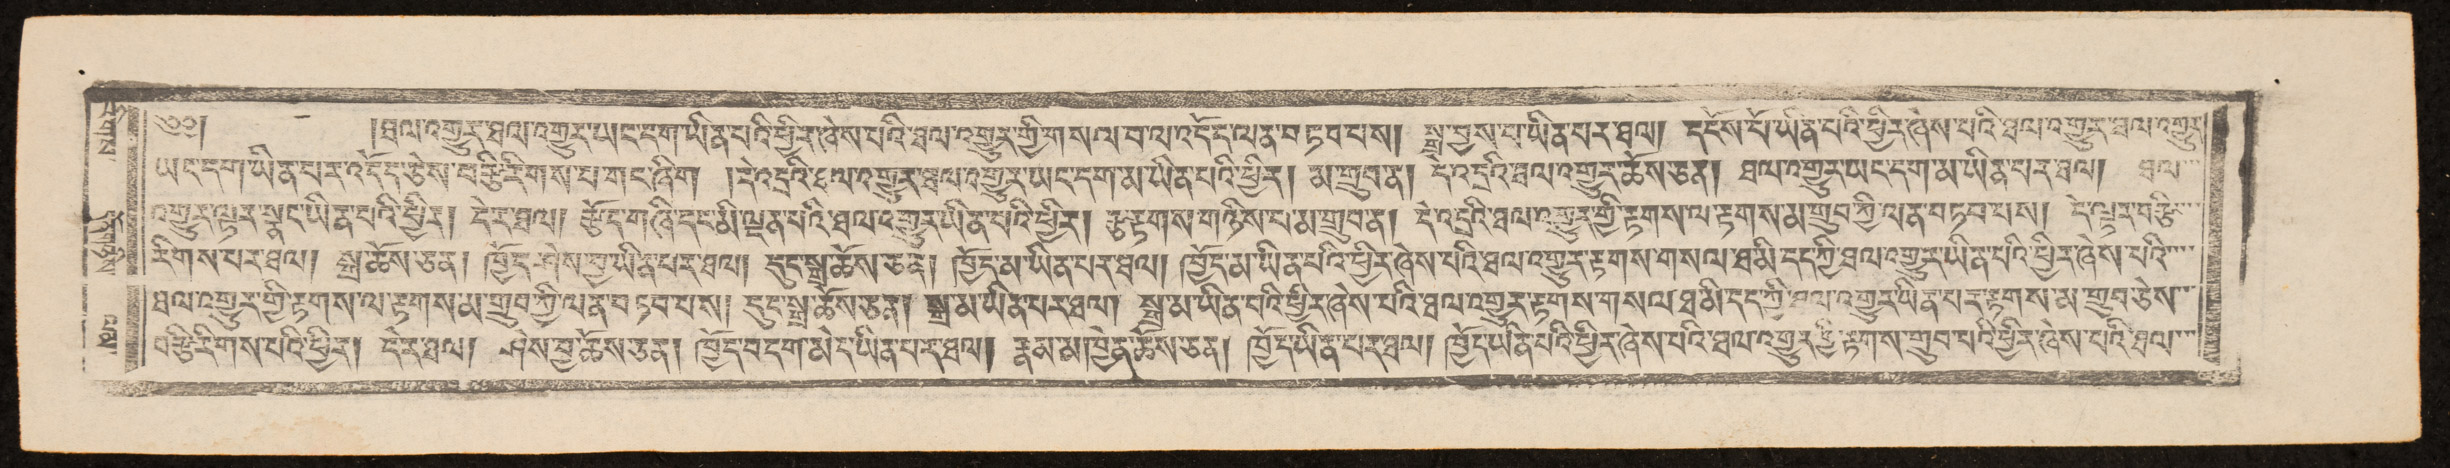༄༅། །ཐལ་འགྱུར་ཐལ་འགྱུར་ཡང་དག་ཡིན་པའི་ཕྱིར་ཞེས་པའི་ཐལ་གྱི་གསལ་བ་ལ་འདོད་ལན་བཏབ་པས། སྒྲ་བྱས་པ་ཡིན་པར་ཐལ། དངོས་པོ་ཡིན་པའི་ཕྱིར་ཞེས་པའི་ཐལ་འགྱུར་ཐལ་འགྱུར་
ཡང་དག་ཡིན་པར་འདོད་ཅེས་བརྩི་རིགས་པ་གང་ཞིག །དེ་འདྲའི་ཐལ་འགྱུར་ཐལ་འགྱུར་ཡང་དག་མ་ཡིན་པའི་ཕྱིར། མ་གྲུབ་ན། དེ་འདྲའི་ཐལ་འགྱུར་ཆོས་ཅན། ཐལ་འགྱུར་ཡང་དག་མ་ཡིན་པར་ཐལ། ཐལ་
འགྱུར་ལྟར་སྣང་ཡིན་པའི་ཕྱིར། དེར་ཐལ། རྩོད་གཞི་དང་མི་ལྡན་པའི་ཐལ་འགྱུར་ཡིན་པའི་ཕྱིར། རྩ་རྟགས་གཉིས་པ་མ་གྲུབ་ན། དེ་འདྲའི་ཐལ་འགྱུར་གྱི་རྟགས་ལ་རྟགས་མ་གྲུབ་ཀྱི་ལན་བཏབ་པས། དེ་ལྟར་བརྩི་
རིགས་པར་ཐལ། སྒྲ་ཆོས་ཅན། ཁྱོད་ཤེས་བྱ་ཡིན་པར་ཐལ། དུང་སྒྲ་ཆོས་ཅན། ཁྱོད་མ་ཡིན་པར་ཐལ། ཁྱོད་མ་ཡིན་པའི་ཕྱིར་ཞེས་པའི་ཐལ་འགྱུར་གྱི་རྟགས་གསལ་ཐ་མི་དད་ཀྱི་ཐལ་འགྱུར་ཡིན་པའི་ཕྱིར་ཞེས་པའི་
ཐལ་འགྱུར་གྱི་རྟགས་ལ་རྟགས་མ་གྲུབ་ཀྱི་ལན་བཏབ་པས། དུང་སྒྲ་ཆོས་ཅན། སྒྲ་མ་ཡིན་པར་ཐལ། སྒྲ་མ་ཡིན་པའི་ཕྱིར་ཞེས་པའི་ཐལ་འགྱུར་རྟགས་གསལ་ཐ་མི་དད་ཀྱི་ཐལ་འགྱུར་ཡིན་པར་རྟགས་མ་གྲུབ་ཅེས་
བརྩི་རིགས་པའི་ཕྱིར། དེར་ཐལ། ཤེས་བྱ་ཆོས་ཅན། ཁྱོད་བདག་མེད་ཡིན་པར་ཐལ། རྣམ་མཁྱེན་ཆོས་ཅན། ཁྱོད་ཡིན་པར་ཐལ། ཁྱོད་ཡིན་པའི་ཕྱིར་ཞེས་པའི་ཐལ་འགྱུར་གྱི་རྟགས་གྲུབ་པའི་ཕྱིར་ཞེས་པའི་ཐལ་